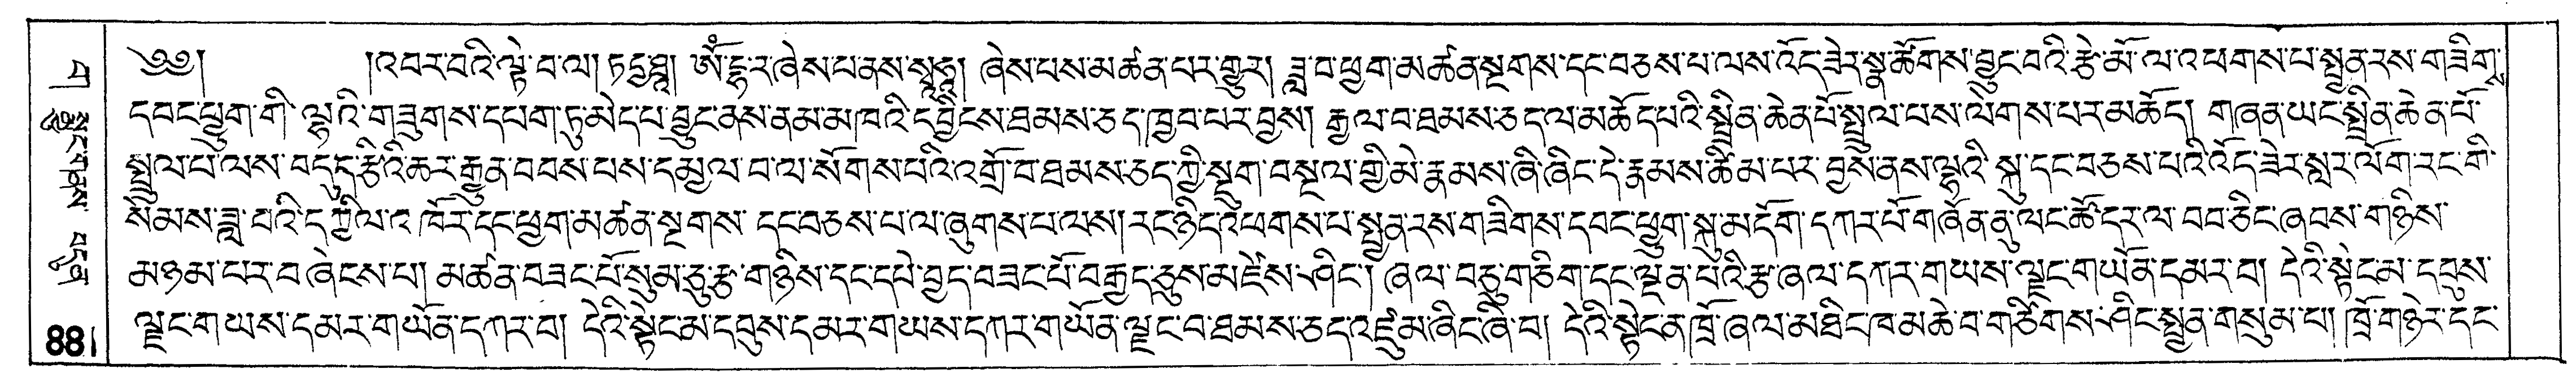༄༅། །འབར་བའི་ལྟེ་བ་ལ། ཏཌྱ་ཐཱ། ཨོཾ་དྷ་ར་ཞེས་པ་ནས་སྭཱཧཱ། ཞེས་པས་མཚན་པར་གྱུར། ཟླ་བ་ཕྱག་མཚན་སྔགས་དང་བཅས་པ་ལས་འོད་ཟེར་སྣ་ཚོགས་བྱུང་བའི་རྩེ་མོ་ལ་འཕགས་པ་སྤྱན་རས་གཟིགས་
དབང་ཕྱུག་གི་ལྷའི་གཟུགས་དཔག་ཏུ་མེད་པ་བྱུང་ནས་ནམ་མཁའི་དབྱིངས་ཐམས་ཅད་ཁྱབ་པར་བྱས། རྒྱལ་བ་ཐམས་ཅད་ལ་མཆོད་པའི་སྤྲིན་ཆེན་པོ་སྤྲུལ་པས་ལེགས་པར་མཆོད། གཞན་ཡང་སྤྲིན་ཆེན་པོ་
སྤྲུལ་པ་ལས་བདུད་རྩིའི་ཆར་རྒྱུན་བབས་པས་དམྱལ་བ་ལ་སོགས་པའི་འགྲོ་བ་ཐམས་ཅད་ཀྱི་སྡུག་བསྔལ་གྱི་མེ་རྣམས་ཞི་ཞིང་དེ་རྣམས་ཚིམ་པར་བྱས་ནས་ལྷའི་སྐུ་དང་བཅས་པའི་འོད་ཟེར་སླར་ལོག་རང་གི་
སེམས་ཟླ་བའི་དཀྱིལ་འཁོར་དང་ཕྱག་མཚན་སྔགས་དང་བཅས་པ་ལ་ཞུགས་པ་ལས། རང་ཉིད་འཕགས་པ་སྤྱན་རས་གཟིགས་དབང་ཕྱུག་སྐུ་མདོག་དཀར་པོ་གཞོན་ནུ་ལང་ཚོ་དར་ལ་བབ་ཅིང་ཞབས་གཉིས་
མཉམ་པར་བཞེངས་པ། མཚན་བཟང་པོ་སུམ་ཅུ་རྩ་གཉིས་དང་དཔེ་བྱད་བཟང་པོ་བརྒྱད་ཅུས་མཛེས་ཤིང་། ཞལ་བཅུ་གཅིག་དང་ལྡན་པའི་རྩ་ཞལ་དཀར་གཡས་ལྗང་གཡོན་དམར་བ། དེའི་སྟེང་མ་དབུས་
ལྗང་གཡས་དམར་གཡོན་དཀར་བ། དེའི་སྟེང་མ་དབུས་དམར་གཡས་དཀར་གཡོན་ལྗང་བ་ཐམས་ཅད་འཛུམ་ཞིང་ཞི་བ། དེའི་སྟེང་ན་ཁྲོ་ཞལ་མཐིང་ཁ་མཆེ་བ་གཙིགས་ཤིང་སྤྱན་གསུམ་པ། ཁྲོ་གཉེར་དང་